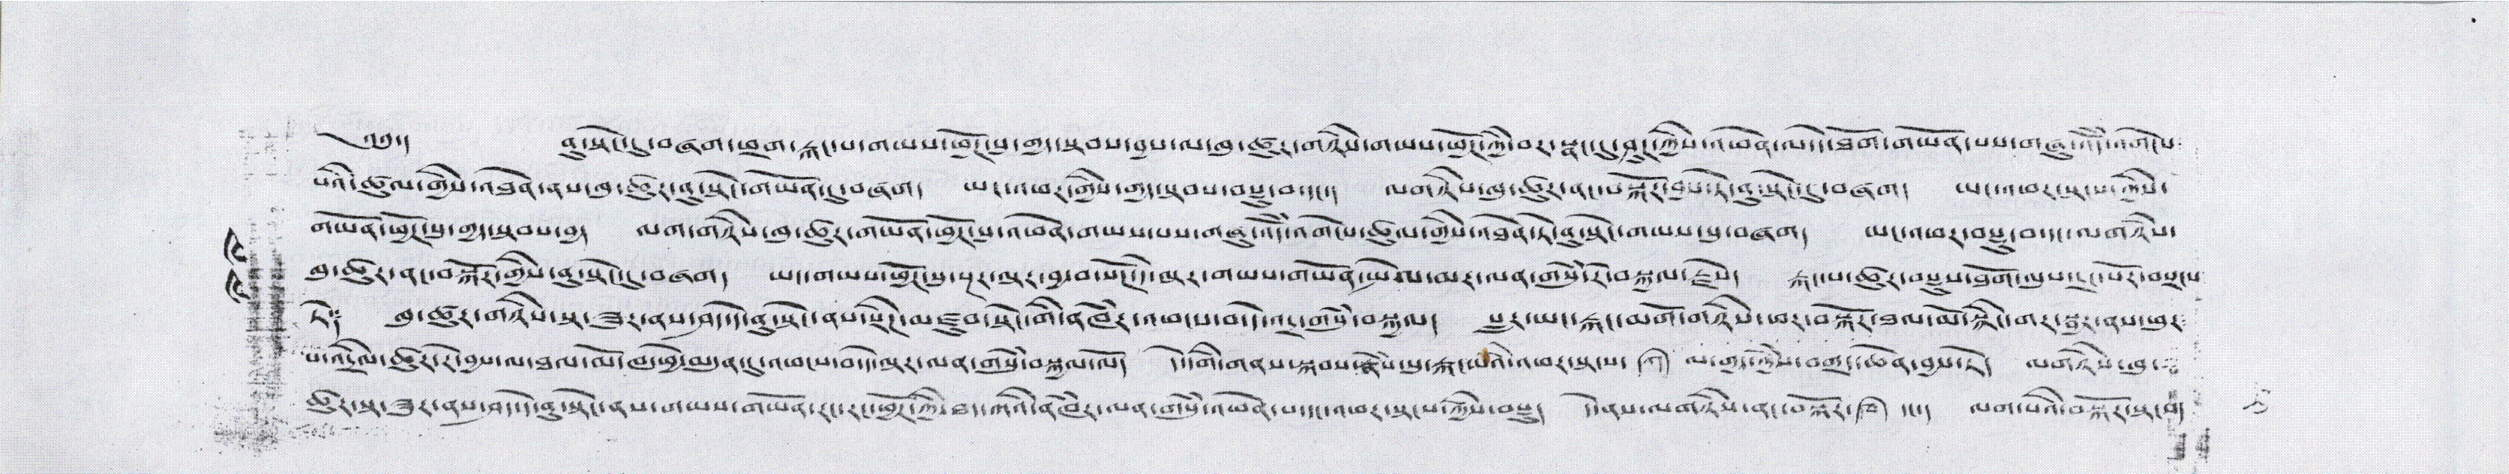ནུ་སྟེང་དུ་བཞག་ཕྲག་རྐང་པ་གཡས་ཕྱོགས་སུ་གྱད་སྟབས་བྱས་ལ་ཁུ་ཚུར་གཉིས་གཡས་ཕྱོགས་ཀྱི་བར་སྣང་དུ་ཤུགས་ཀྱིས་འཕེན་ལ་དེ་ཐོག་གཡོན་པས་གཞུ་འདོམས་འགེངས་
པའི་ཚུལ་གྱིས་འཐེན་ནས་ཁུ་ཚུར་ནུས་སྟེང་དུ་བཞག ཡང་འཕར་གྱིས་གྱད་སྟབས་བསྡུ་བ་དང་། ལག་གཉིས་ཁུ་ཚུར་ནང་ལ་བསྐོར་བྱས་ཏེ་ནུ་སྟེང་དུ་བཞག ཡང་འཕར་སྟངས་ཀྱིས་
གཡོན་ཕྱོགས་སུ་གྱད་སྟབས་བྱ། ལག་གཉིས་ཁུ་ཚུར་གཡོན་ཕྱོགས་སུ་འཕེན་གཡས་གཞུ་འདོམས་འགེངས་ཚུལ་གྱིས་འཐེན་ཏེ་ནུ་སྟེང་གཡས་སུ་བཞག ཡང་འཕར་བསྡུ་བ་དང་ལག་གཉིས་
ཁུ་ཚུར་ནང་བསྐོར་གྱིས་ནུ་སྟེང་དུ་བཞག ཡང་གཡས་ཕྱོགས་སུ་སྔར་ལྟར་བྱ་བ་སོགས་དེ་ལྟར་གཡས་གཡོན་སྤེལ་མར་ལན་གསུམ་རེ་བསྐྱལ་རྗེས། རྐང་པ་ཚུར་བསྡུས་ཐོག་ལུས་དྲང་པོར་བསྲང་
སྟེ། ཁུ་ཚུར་གཉིས་སྟ་ཟུར་ནས་ཤད་དེ་ནུ་སྟེང་ནས་སྡིག་མཛུབ་སྟེང་གི་ནམ་མཁར་འཕངས་པ་དེ་འདྲ་གསུམ་བསྐྱལ། སླར་ཡང་རྐང་མགོ་གཉིས་ཕར་བསྐོར་ཐལ་མོ་སྙིང་གར་སྦྱར་ནས་ཕུར་
པ་འདྲིལ་ཚུར་རེ་བྱས་ལ་ཐལ་མོ་ཁ་ཕྱེ་མདུན་དུ་འཕངས་པ་དེ་ལྟར་ལན་གསུམ་བསྐྱལ་ལོ། དེ་དག་གི་གནས་སྐབས་རྣམས་སུ་རྐང་པའི་འཕར་སྟངས་དང་ལག་པའི་བསྐོར་སྟངས་༼ཀ་༽ ལ་གྱད་ཀྱིས་བགྲད་ཆེན་བྱས་ཏེ། ལག་གཉིས་ཁུ་
ཚུར་སྟ་ཟུར་ནས་ཤད་དེ་ནུ་སྟེང་ནས་གཡས་གཡོན་རང་རང་ཕྱོགས་ཀྱི་ཐད་ཀའི་ནམ་མཁར་ལན་གསུམ་འཕེན་པ་དང་འཕར་སྟངས་ཀྱིས་བསྡུ། དེ་ནས་ལག་གཉིས་ནང་བསྐོར་༼ཁ་༽དང་ལག་པའི་བསྐོར་སྟངས་བ་